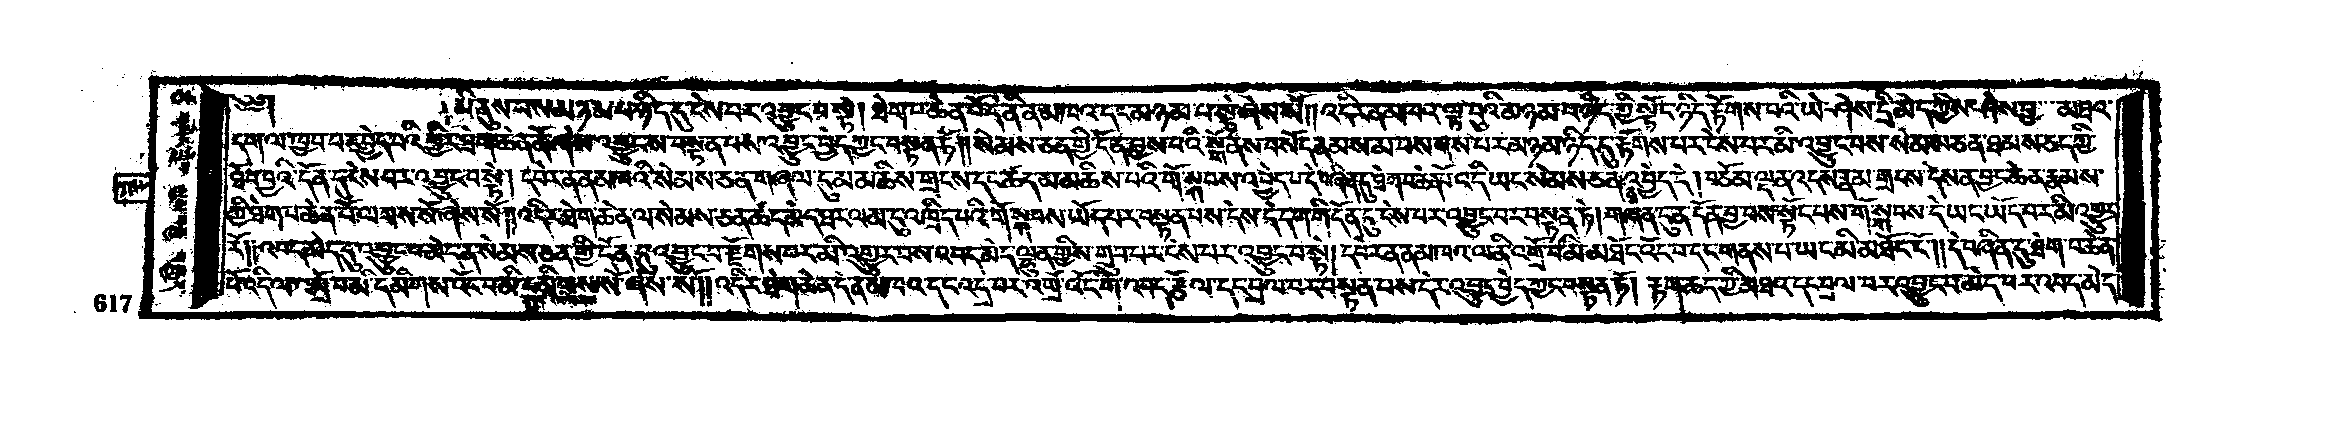༄༅། །མི་ནུས་པས་མཉམ་པ་ཉིད་དུ་ངེས་པར་འབྱུང་བ་སྟེ། ཐེག་པ་ཆེན་པོ་དེ་ནི་ནམ་མཁའ་དང་མཉམ་པ་སྟེ་ཞེས་སོ། །འདིར་ནམ་མཁའ་ལྟ་བུའི་མཉམ་པ་ཉིད་ཀྱི་སྟོང་ཉིད་རྟོགས་པའི་ཡེ་ཤེས་དྲི་མེད་ཀྱིས་ཤེས་བྱ་མཐའ་
དག་ལ་ཁྱབ་པར་བྱེད་པའི་ཕྱིར་ཐེག་ཆེན་ནོ་ཞེས་འབྱུང་ས་བསྟན་པས་འབྱུང་བྱེད་ཀྱང་བསྟན་ཏོ། །སེམས་ཅན་གྱི་དོན་བྱས་པའི་སྒོ་ནས་བསོད་ནམས་མ་བསགས་པར་མཉམ་ཉིད་དུ་རྟོགས་པར་ངེས་པར་མི་འབྱུང་བས་སེམས་ཅན་ཐམས་ཅད་ཀྱི་
ཐོབ་བྱའི་དོན་དུ་ངེས་པར་འབྱུང་བ་སྟེ། དཔེར་ན་ནམ་མཁའི་སེམས་ཅན་གཞལ་དུ་མ་མཆིས་གྲངས་དང་ཆེད་མ་མཆིས་པའི་གོ་སྐབས་འབྱེད་པ་དེ་བཞིན་དུ་ཐེག་པ་ཆེན་པོ་འདི་ཡང་སེམས་ཅན་ནས་འབྱེད་དེ། བཅོམ་ལྡན་འདས་རྣམ་གྲངས་དེས་ན་བྱང་ཆེན་རྣམས་
ཀྱི་ཐེག་པ་ཆེན་པོ་ལགས་སོ་ཞེས་སོ། །འདིར་ཐེག་ཆེན་ལ་སེམས་ཅན་ཚད་མེད་ཐར་ལམ་དུ་འཁྲིད་པའི་གོ་སྐབས་ཡོད་པར་བསྟན་པས་དེས་དེ་དག་གི་དོན་དུ་ངེས་པར་འབྱུང་བར་བསྟན་ཏེ། གཞན་དུ་ན་དོན་བྱ་བས་སྟོང་པས་གོ་སྐབས་དེ་ཡང་ཡོད་པར་མི་འགྱུར་
རོ། །འབད་མེད་དུ་འབྱུང་བ་མེད་ན་སེམས་ཅན་གྱི་དོན་དུ་འབྱུང་བ་རྫོགས་པར་མི་འགྱུར་བས་འབད་མེད་ལྷུན་གྱིས་གྲུབ་པར་ངེས་པར་འབྱུང་བ་སྟེ། དཔེར་ན་ནམ་མཁའ་ལ་ནི་འགྲོ་བ་མི་མཐོང་འོང་བ་དང་གནས་པ་ཡང་མི་མཐོང་ངོ། །དེ་བཞིན་དུ་ཐེག་པ་ཆེན་
པོ་འདི་ལ་འགྲོ་བ་མི་དམིགས་འོང་བ་མི་གནས་པའི་མི་དམིགས་དམིགས་སོ། །ཞེས་སོ། །འདིར་ཐེག་ཆེན་དེ་ནམ་མཁའ་དང་འདྲ་བར་འགྲོ་འོང་གི་འབད་རྩོལ་དང་བྲལ་བར་བསྟན་པས་དེར་འབྱུང་བྱེད་ཀྱང་བསྟན་ཏོ། །རྟག་ཆད་ཀྱི་མཐའ་དང་བྲལ་བར་འབྱུང་བ་མེད་པར་འབད་མེད་